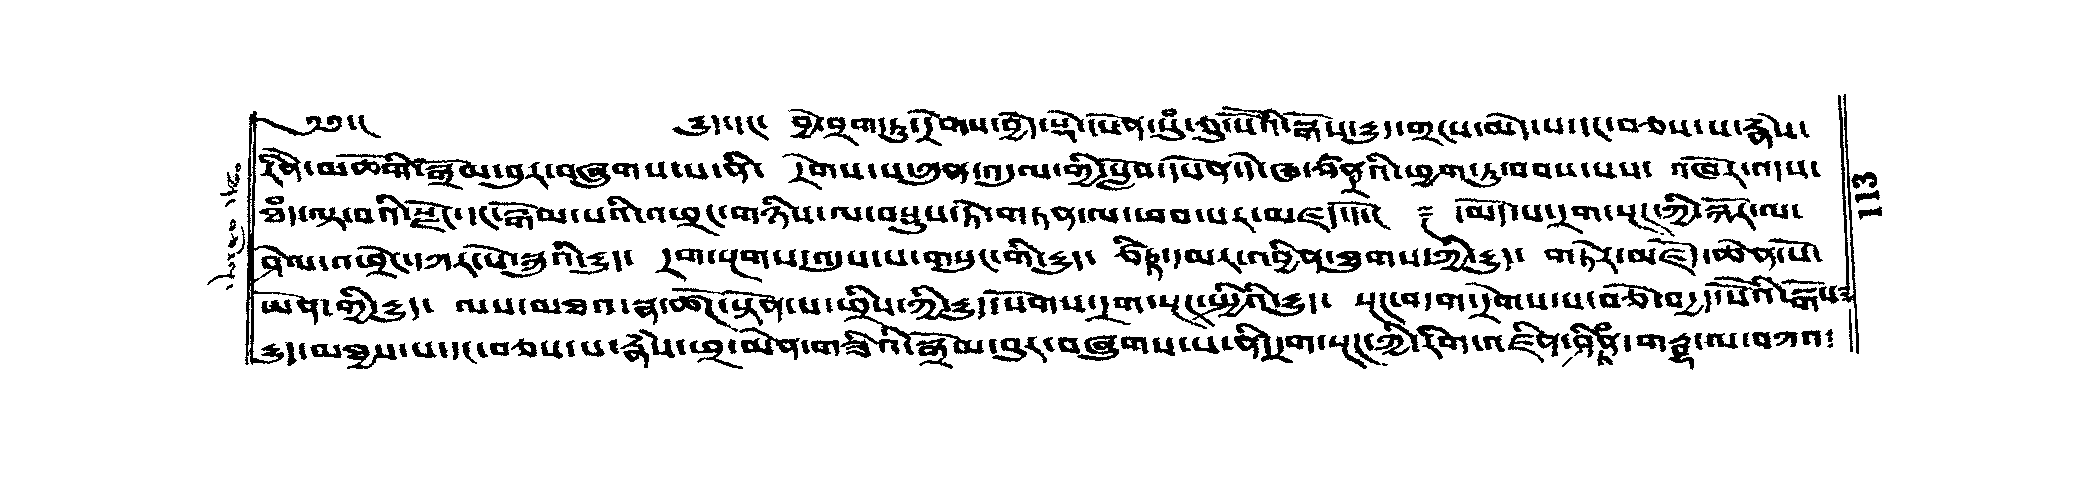རྒྱུད་དང་། བྱེ་བྲག་ཏུ་དྲེགས་བྱེད་སྡེ་དཔོན་སུམ་ཅུ་སོ་སོའི་སྒོས་རྒྱུད་གྲངས་མེད་པ་དང་བཅས་པ་རྣམས་
རིན་ཆེན་མཆོག་གི་སྒྲོམ་བུར་བཞུགས་པ་ནི། དྲེགས་པ་ཀུན་འདུལ་གྱི་སློབ་དཔོན་དེ་ཝ་ཙནྡྲའི་ཕྱག་ཏུ་བབས་པས། འཁོར་འདས་
ཐམས་ཅད་ལྟ་བའི་རྫོང་དང་སྒོམ་པའི་འཕྲང་གཉིས་ལ་བསྡུས་ཏེ་གཏན་ལ་ཕབ་པར་མཛད་དོ། ༈ དམོད་པ་དྲག་སྔགས་ཀྱི་སྐོར་ལ་
ཤེལ་འཕྲེང་དཀར་པོ་སྐུའི་རྒྱུད། དྲག་སྔགས་འདུས་པ་གསུང་གི་རྒྱུད། ཙིཏྟ་དམར་འབྱིན་ཐུགས་ཀྱི་རྒྱུད། གཏེར་མཛོད་ཆེན་པོ་
ཡོན་གྱི་རྒྱུད། ལས་མཐའ་སྣང་ཚོགས་སྟོན་པ་ཕྲིན་ལས་ཀྱི་རྒྱུད་སོགས་དྲག་སྔགས་སྤྱིའི་རྒྱུད། སྔགས་བདག་དྲེགས་པ་བཅོ་བརྒྱད་སོ་སོའི་སྒོས་
རྒྱུད་མཐའ་ཡས་པ་དང་བཅས་པ་རྣམས་ཕྲ་མེན་གཟིའི་སྒྲོམ་བུར་བཞུགས་པ་ནི་དྲག་སྔགས་ཀྱི་རིག་འཛིན་ཤིནྟཾ་གརྦྷ་ལ་བཀའ་